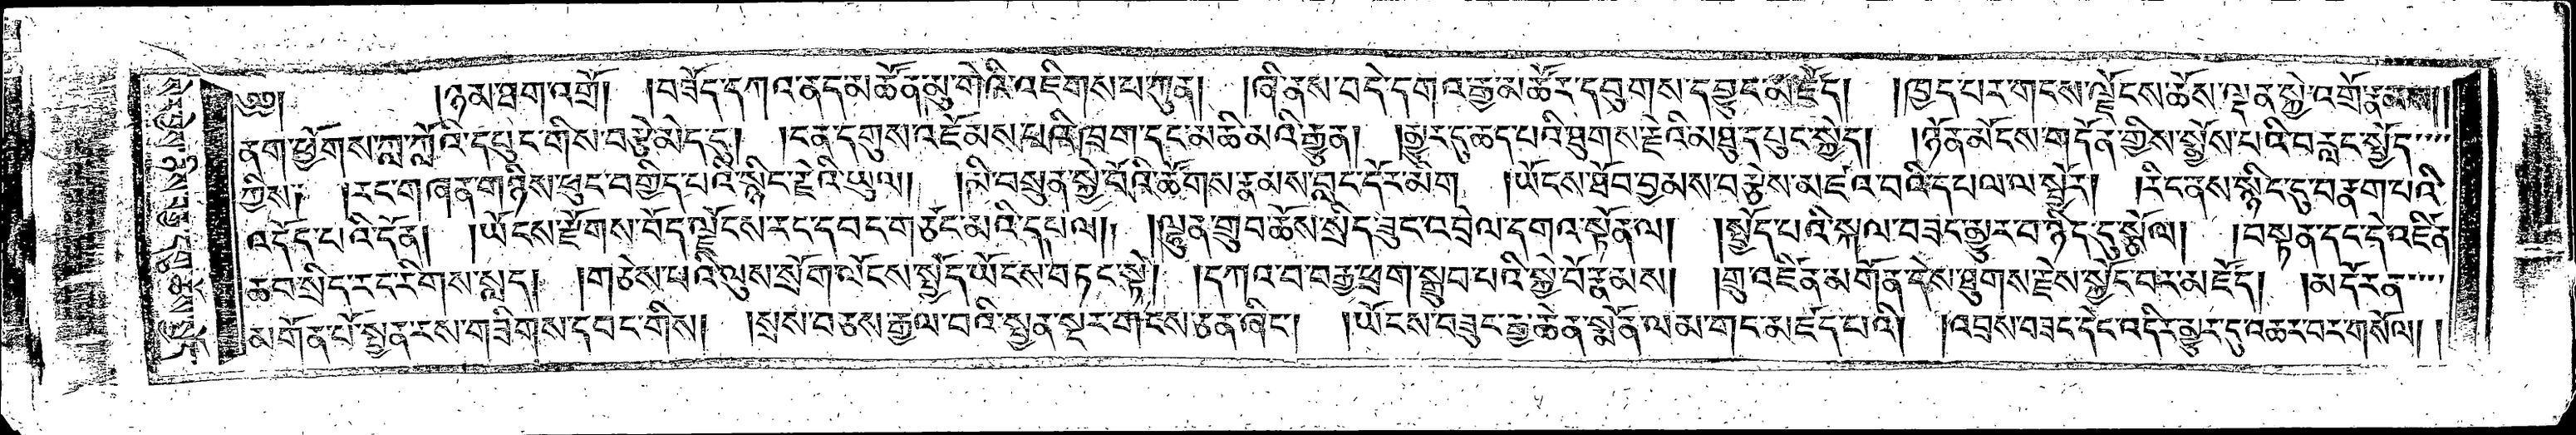༄༅། །ཉམ་ཐག་འགྲོ། །བཟོད་དཀའ་ནད་མཚོན་མུ་གེའི་འཇིགས་པ་ཀུན། །ཞི་ནས་བདེ་དགའ་རྒྱ་མཚོར་དབུགས་དབྱུང་མཛོད། །ཁྱད་པར་གངས་ལྗོངས་ཆོས་ལྡན་སྐྱེ་འགྲོ་རྣམས། །
ནག་ཕྱོགས་ཀླ་ཀློའི་དཔུང་གིས་བརྩེ་མེད་དུ། །ངན་དགུས་འཇོམས་པའི་ཁྲག་དང་མཆི་མའི་རྒྱུན། །མྱུར་དུ་ཆད་པའི་ཐུགས་རྗེའི་མཐུ་དཔུང་སྐྱེད། །ཉོན་མོངས་གདོན་གྱིས་སྨྱོས་པའི་བརླང་སྤྱོད་
ཀྱིས། །རང་གཞན་གཉིས་ཕུང་བགྱིད་པའི་སྙིང་རྗེའི་ཡུལ། །མི་བསྲུན་སྐྱེ་བོའི་ཚོགས་རྣམས་བླང་དོར་མིག །ཡོངས་ཐོབ་བྱམས་བརྩེས་མཛའ་བའི་དཔལ་ལ་སྦྱོར། །རིང་ནས་སྙིང་དུ་བརྣག་བའི་
འདོད་པའི་དོན། །ཡོངས་རྫོགས་བོད་ལྗོངས་རང་དབང་གཙང་མའི་དཔལ། །ལྷུན་གྲུབ་ཆོས་སྲིད་ཟུང་འབྲེལ་དགའ་སྟོན་ལ། །སྤྱོད་པའི་སྐལ་བཟང་མྱུར་བ་ཉིད་དུ་སྩོལ། །བསྟན་དང་དེ་འཛིན་
ཆབ་སྲིད་རང་རིགས་སླད། །གཅེས་པའི་ལུས་སྲོག་ལོངས་སྤྱོད་ཡོངས་བཏང་སྟེ། །དཀའ་བ་བརྒྱ་ཕྲག་སྒྲུབ་པའི་སྐྱེ་བོ་རྣམས། །གྲུབ་འཛིན་མགོན་དེས་ཐུགས་རྗེས་སྐྱོང་བར་མཛོད། །མདོར་ན་
མགོན་པོ་སྤྱན་རས་གཟིགས་དབང་གིས། །སྲས་བཅས་རྒྱལ་བའི་སྤྱན་སྔར་གངས་ཅན་ཞིང་། །ཡོངས་བཟུང་རྒྱ་ཆེན་སྨོན་ལམ་གང་མཛད་པའི། །འབྲས་བཟང་དེང་འདིར་མྱུར་དུ་འཆར་བར་གསོལ། །